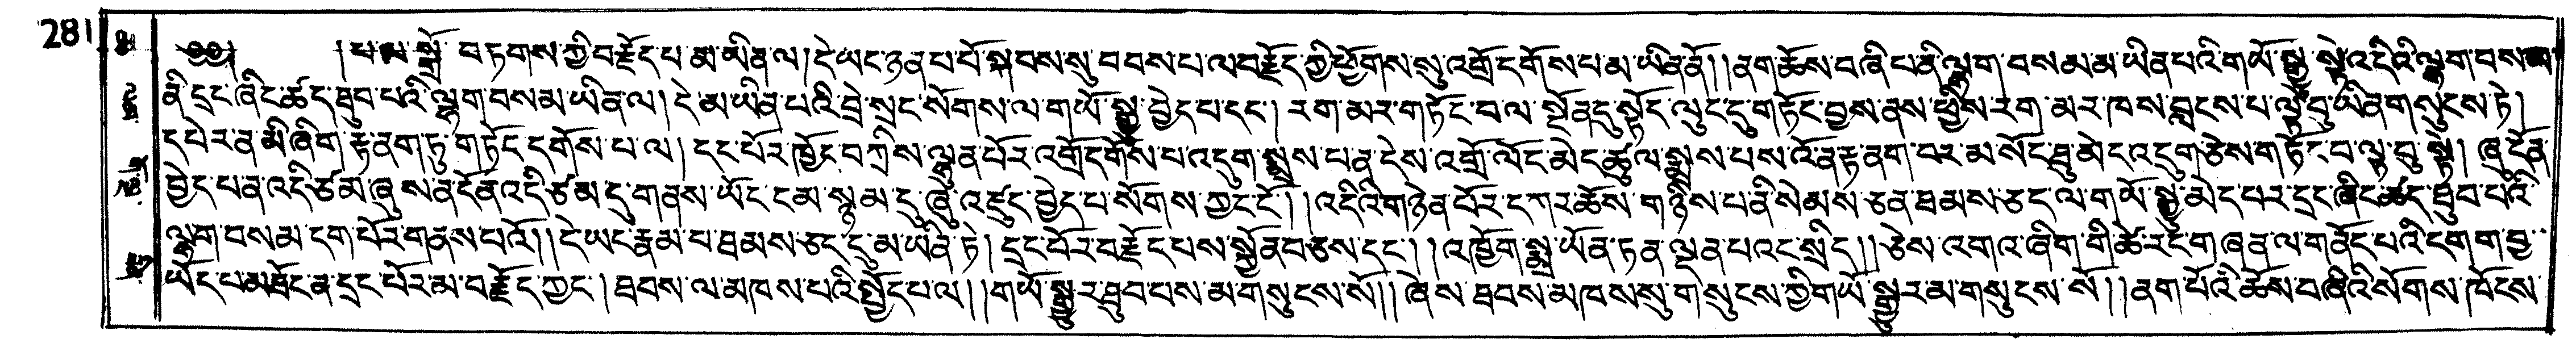༄༅། །པ་ལ་སྒྲོ་བཏགས་ཀྱི་བརྗོད་པ་མ་ཡིན་ལ། དེ་ཡང་ཉན་པ་པོ་སྐབས་སུ་བབས་པ་ལ་བརྗོད་ཀྱི་ཕྱོགས་སུ་འགྲོ་དགོས་པ་མ་ཡིན་ནོ། །ནག་ཆོས་བཞི་པ་ནི་ལྷག་བསམ་མ་ཡིན་པའི་གཡོ་སྒྱུ་སྟེ་འདིའི་ལྷག་བསམ་
ནི་དྲང་ཞིང་ཚད་ཐུབ་པའི་ལྷག་བསམ་ཡིན་ལ། དེ་མ་ཡིན་པའི་བྲེ་སྲང་སོགས་ལ་གཡོ་སྒྱུ་བྱེད་པ་དང་། རག་མར་གཏོང་བ་ལ་སྔོན་དུ་སྟོང་ལུང་དུ་གཏོང་བྱས་ནས་ཕྱིས་རག་མར་ཁས་བླངས་པ་ལྟ་བུ་ཡིན་གསུངས་ཏེ།
དཔེར་ན་མི་ཞིག་རྟ་ནག་ཏུ་གཏོང་དགོས་པ་ལ། དང་པོར་ཁྱོད་བཀྲིས་ལྷུན་པོར་འགྲོ་དགོས་པ་འདུག་སྨྲས་པ་ན་དེས་འགྲོ་ལོང་མེད་ཚུལ་སྨྲས་པས་འོ་ན་རྟ་ནག་བར་མ་སོང་ཐུ་མེད་འདུག་ཅེས་གཏོང་བ་ལྟ་བུ་སྟེ། ཞུ་དོན་
བྱེད་པ་ན་འདི་ཙམ་ཞུས་ན་དོན་འདི་ཙམ་དུ་གནས་ཡོང་ངམ་སྙམ་དུ་ཞུ་འཛུད་བྱེད་པ་སོགས་ཀྱང་ངོ། །འདིའི་གཉེན་པོར་དཀར་ཆོས་གཉིས་པ་ནི་སེམས་ཅན་ཐམས་ཅད་ལ་གཡོ་སྒྱུ་མེད་པར་དྲང་ཞིང་ཚད་ཐུབ་པའི་
ལྷག་བསམ་དག་པོར་གནས་པའོ། །དེ་ཡང་རྣམ་པ་ཐམས་ཅད་དུ་མ་ཡིན་ཏེ། དྲང་པོར་བརྗོད་པས་སྐྱོན་བཅས་དང་། །འཁྱོག་སྨྲ་ཡོན་ཏན་ལྡན་པའང་སྲིད། །ཅེས་འགའ་ཞིག་གི་ཚེ་རང་གཞན་ལ་གནོད་པའི་དགག་བྱ་
ཡོད་པ་མཐོང་ན་དྲང་པོར་མ་བརྗོད་ཀྱང་། ཐབས་ལ་མཁས་པའི་སྤྱོད་པ་ལ། །གཡོ་སྒྱུར་ཐུབ་པས་མ་གསུངས་སོ། །ཞེས་ཐབས་མཁས་སུ་གསུངས་ཀྱི་གཡོ་སྒྱུར་མ་གསུངས་སོ། །ནག་པོའི་ཆོས་བཞིའི་སོགས་ཁོངས་